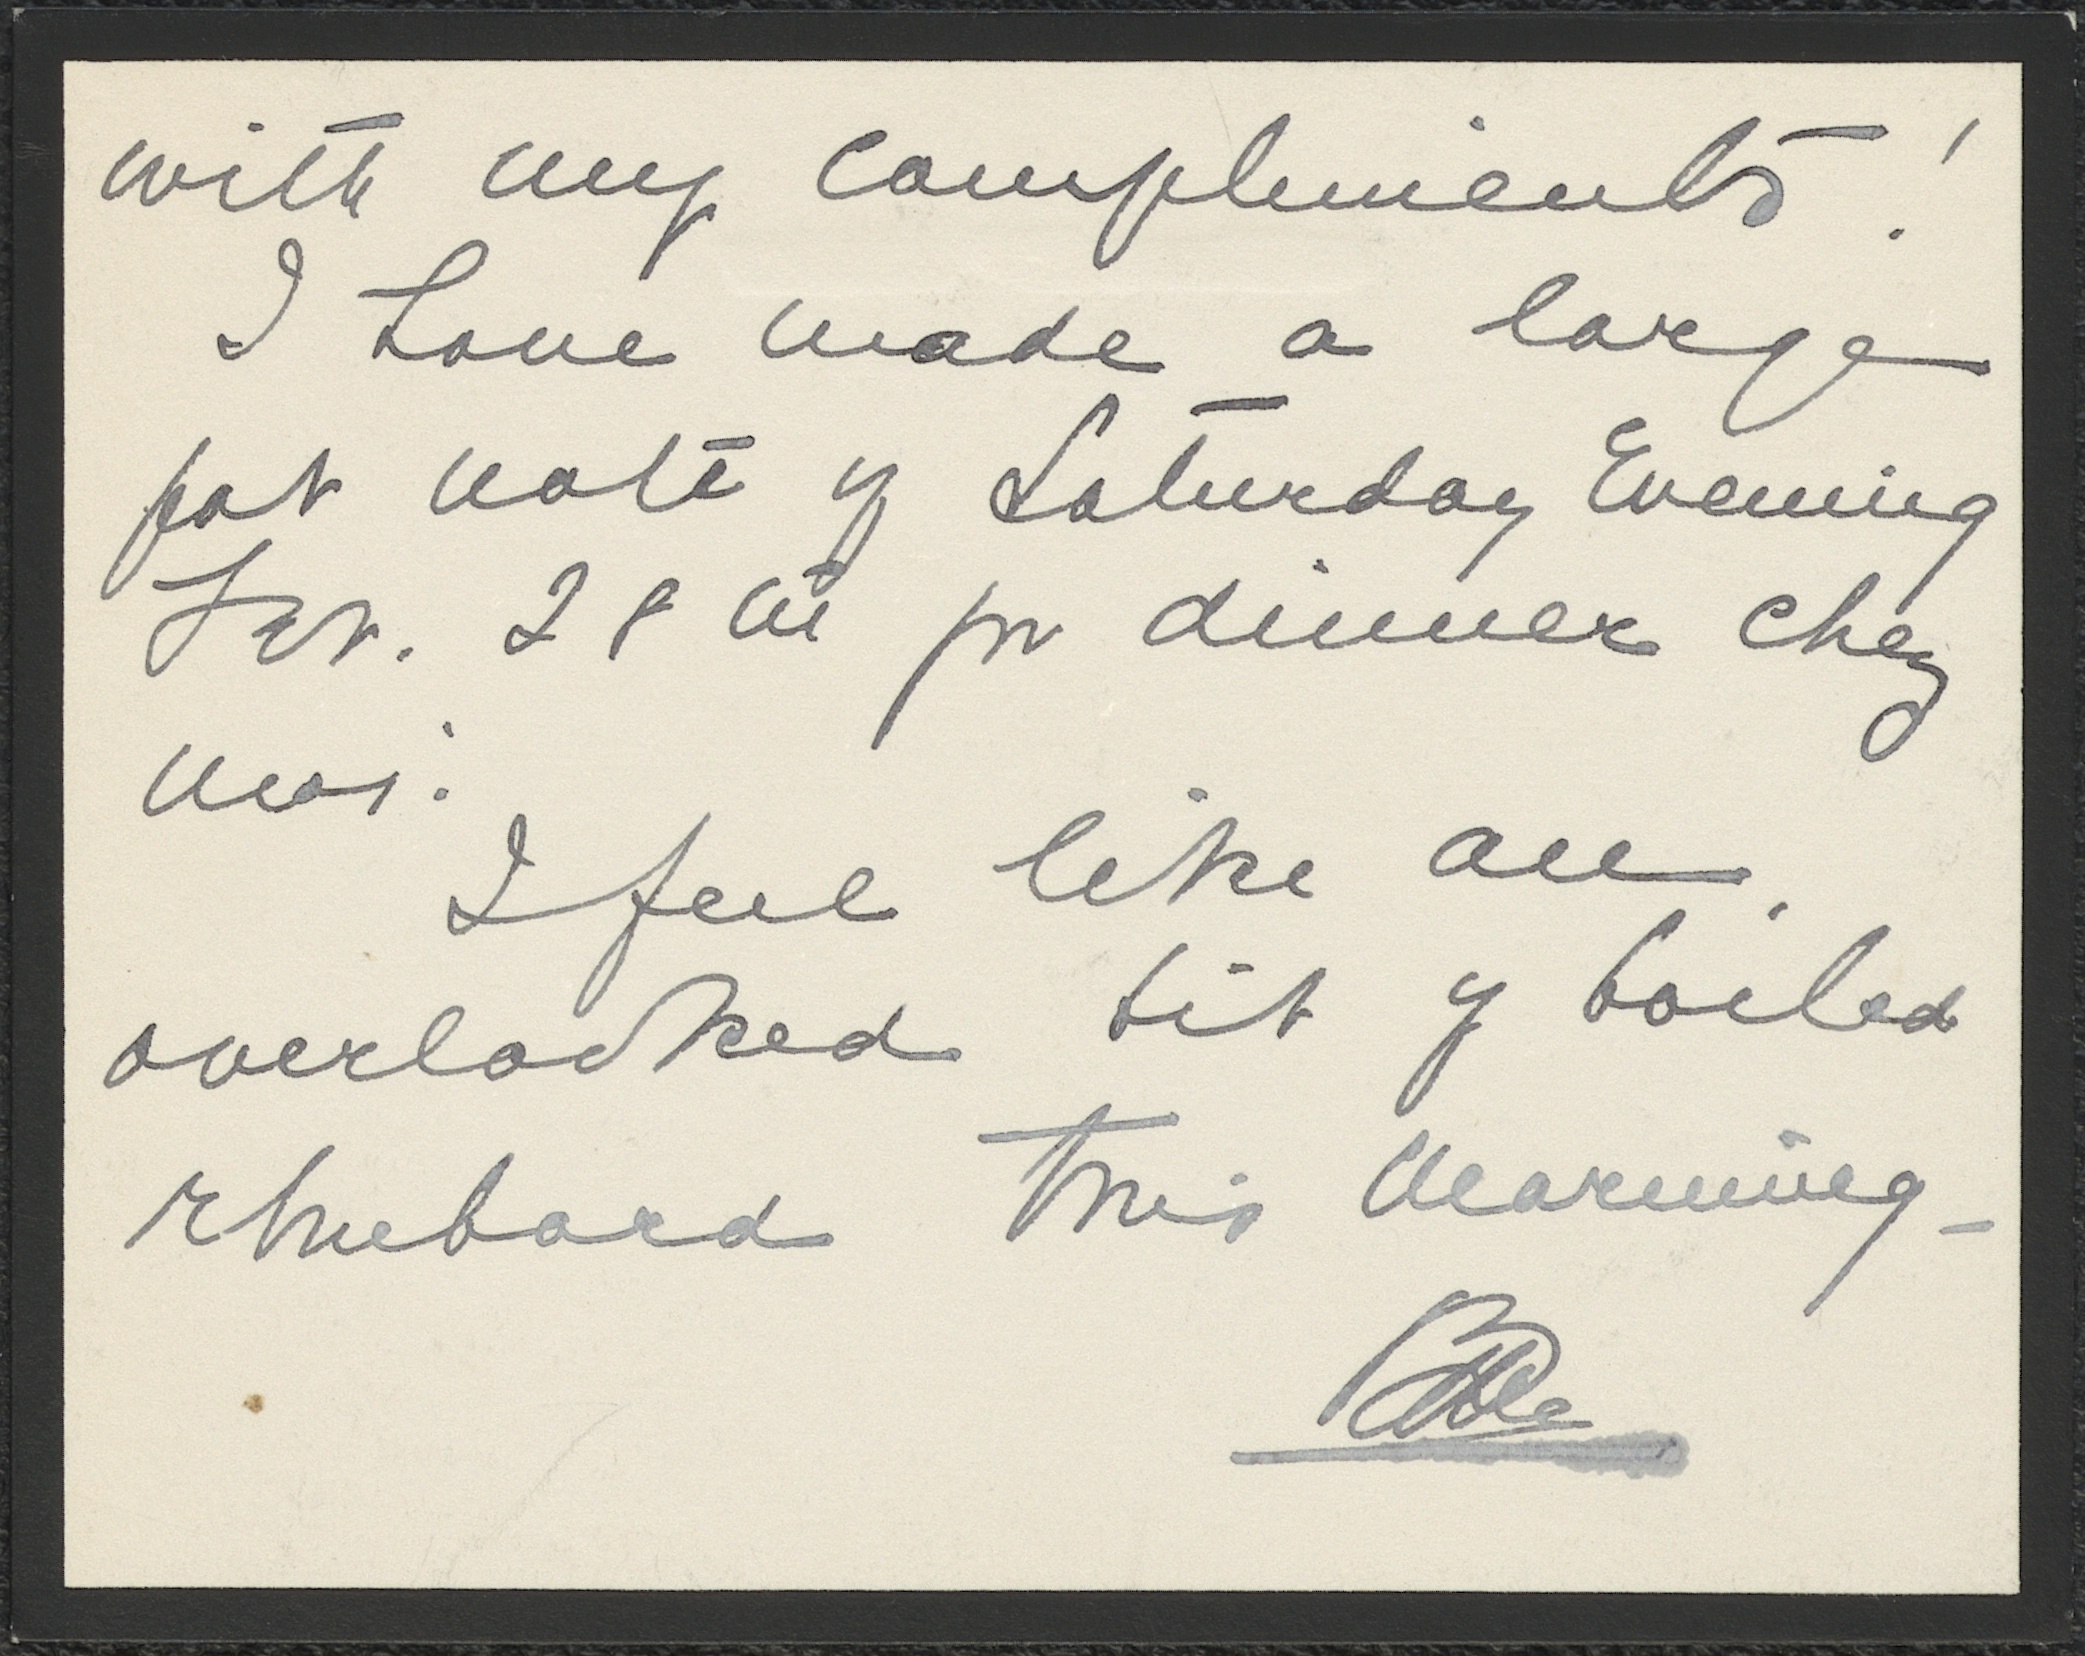with my compliments!
I have made a large fat note of Saturday Evening Feb. 28th for dinner chez moi.
I feel like an overlooked bit of boiled rhubard [sic] this morning –
Belle